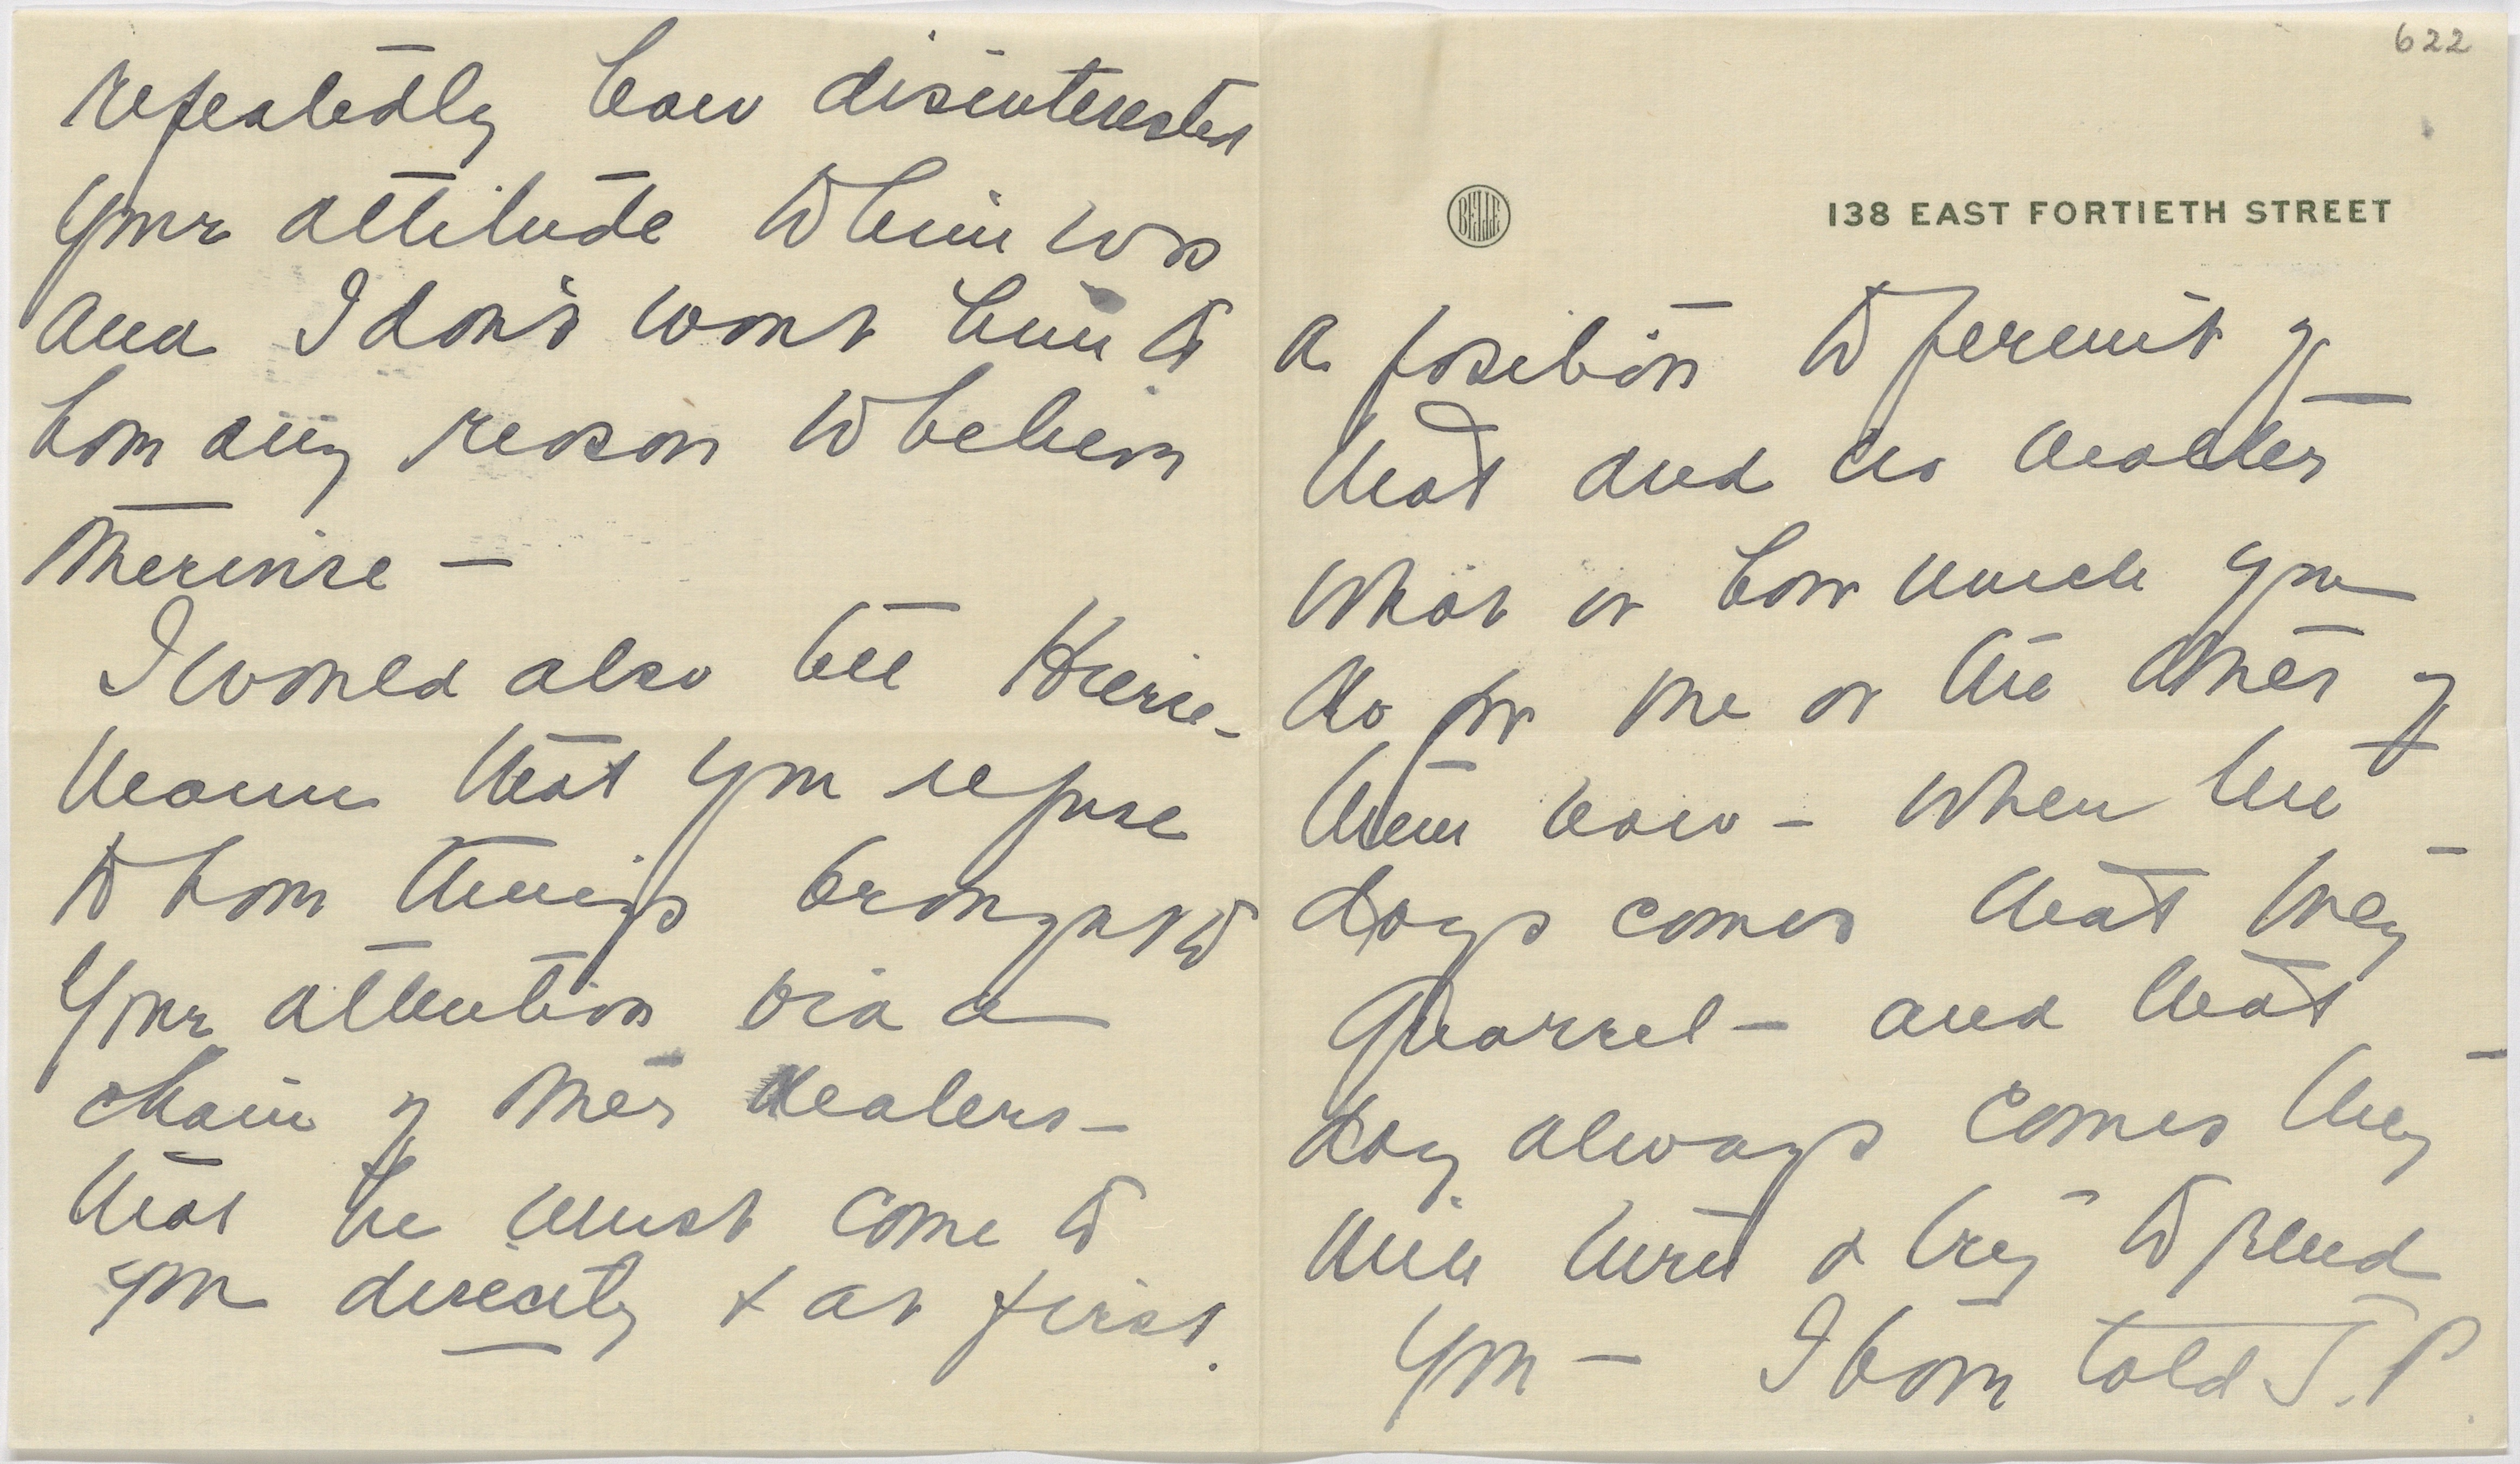a position to permit of that and no matter what or how much you do for me or the other of them now – when ten days comes that they quarrel – and that day always comes they will turn & try to rend you – I have told J. P.
repeatedly how disinterested your attitude to him was and I don’t want him to have any reason to believe otherwise –
I would also tell Hiersemann that you refuse to have things brought to your attention via a chain of other dealers – that he must come to you directly & at first.